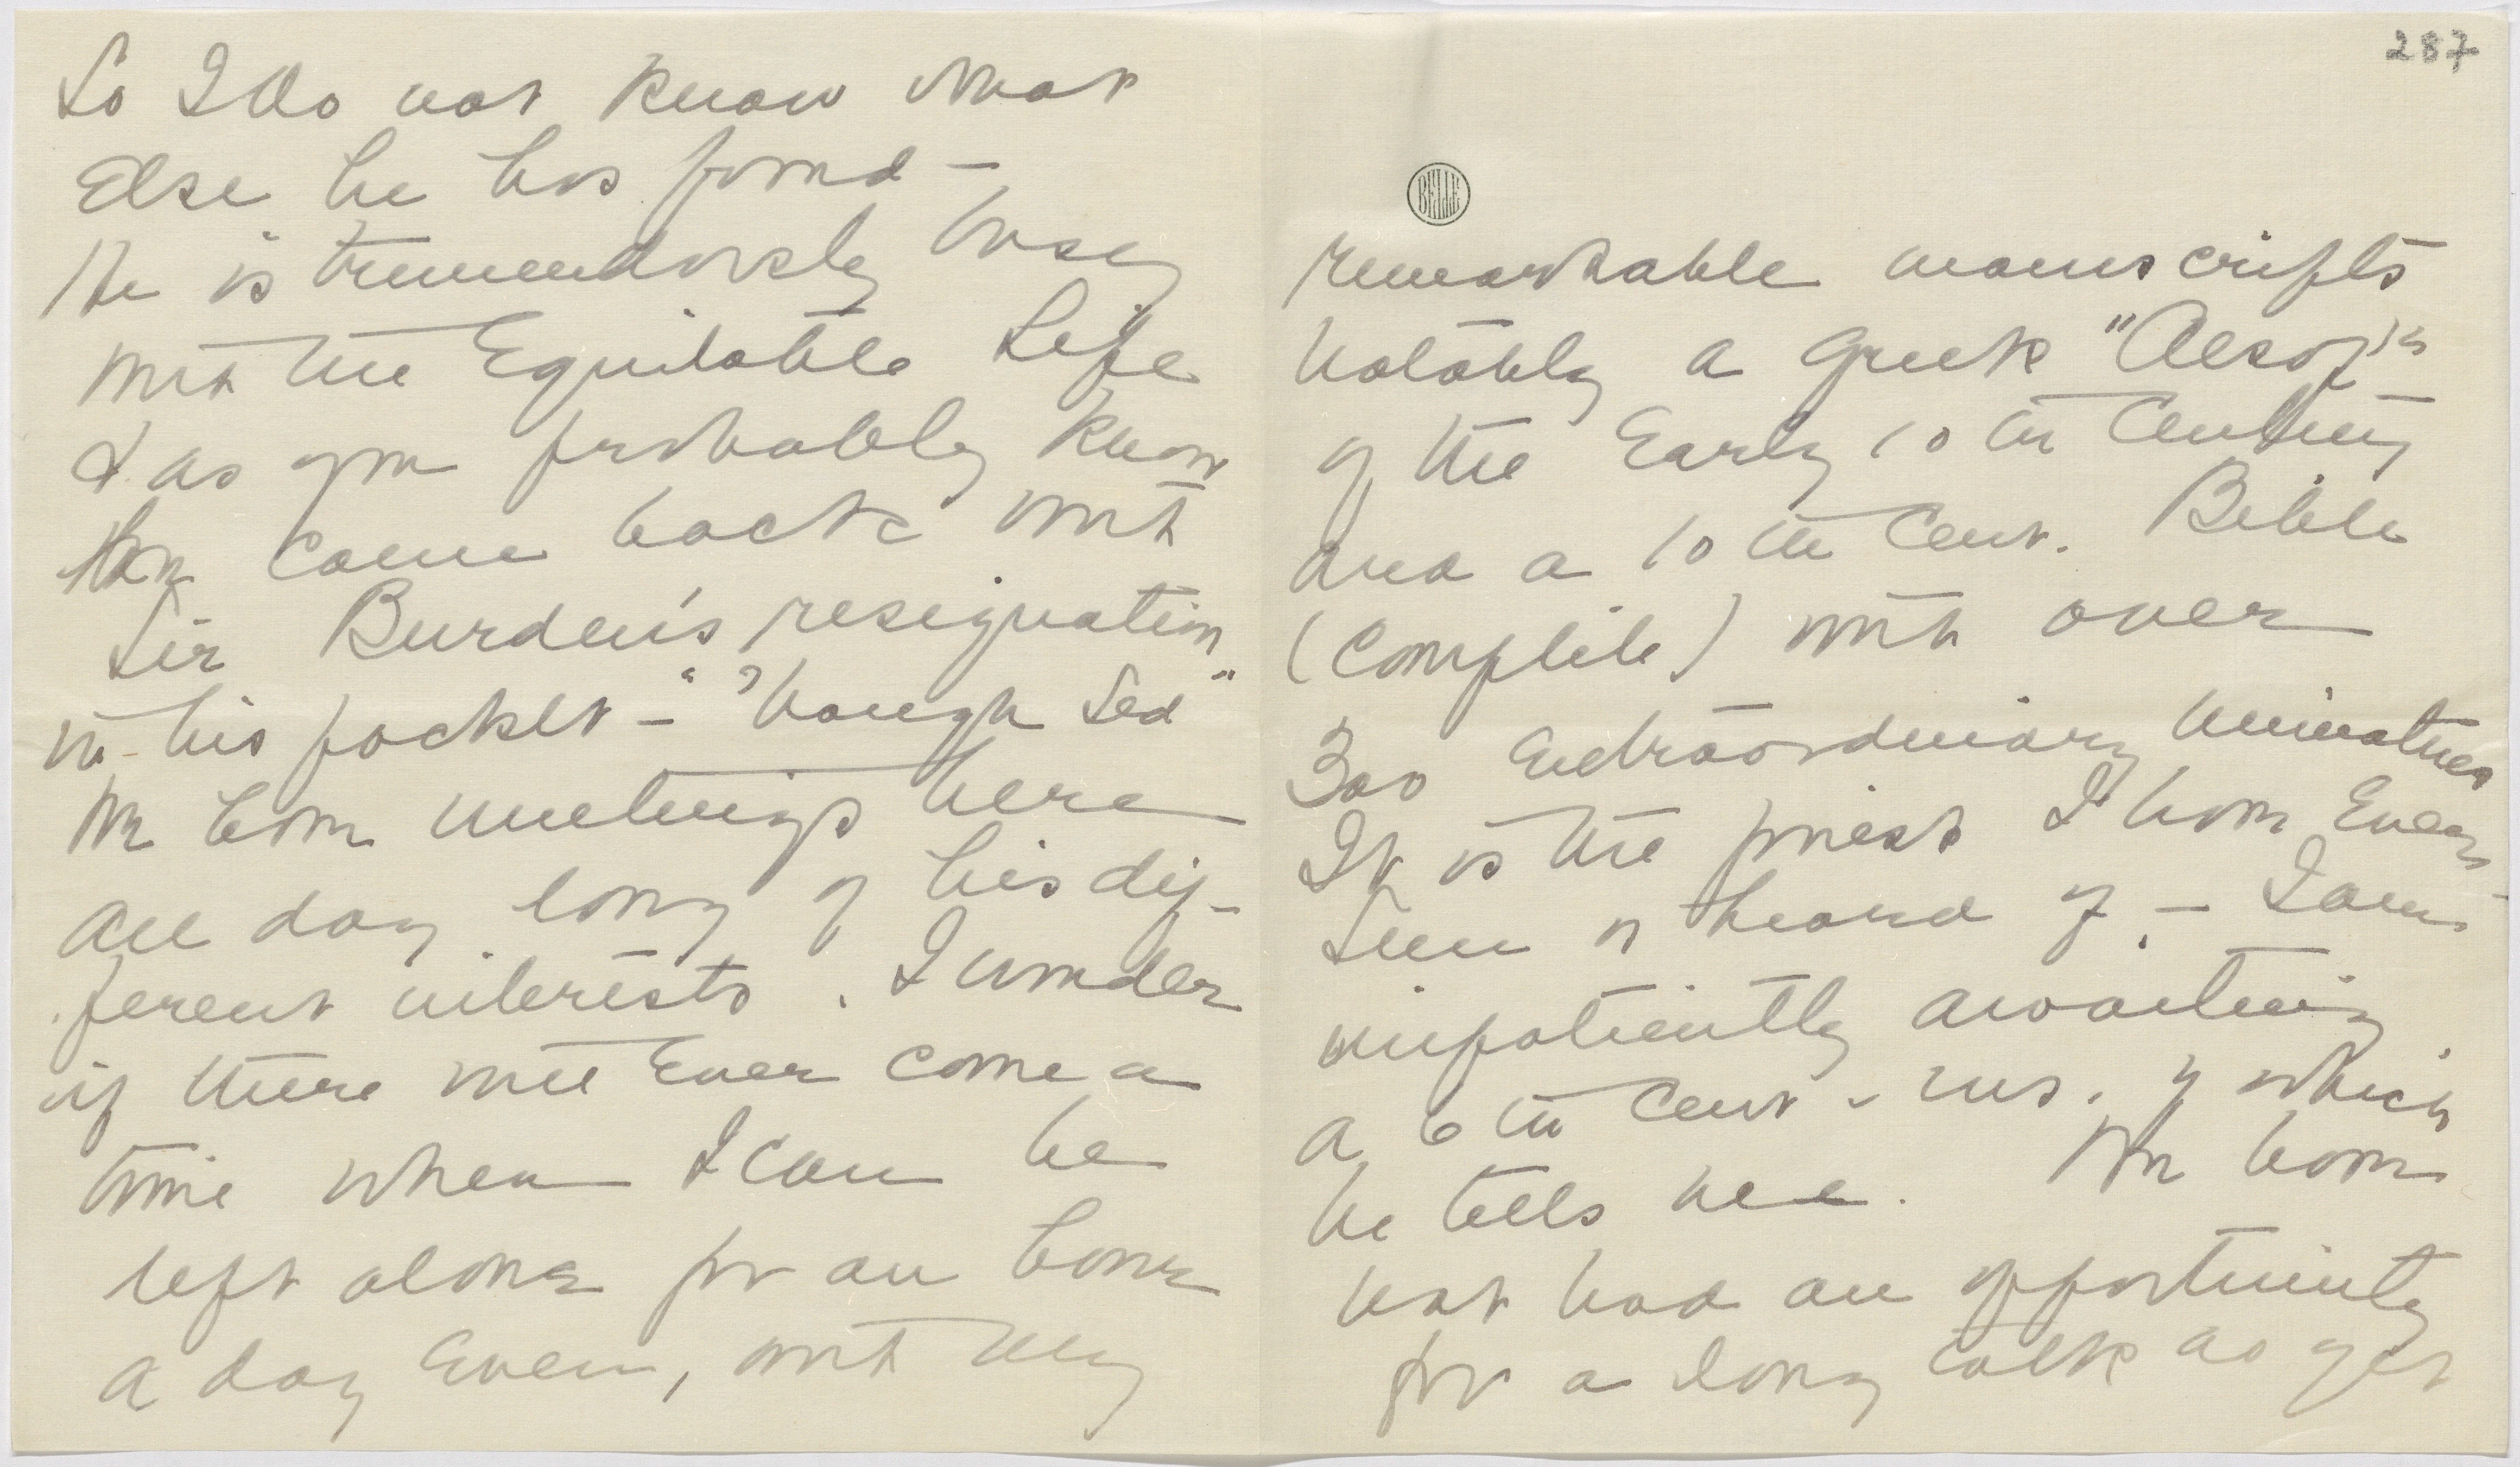remarkable manuscripts notably a Greek “Aesop” – of the early 10th century and a 10th cent. Bible (complete) with over 300 extraordinarily miniatures
It is the finest I have ever seen or heard of – I am impatiently awaiting a 6th cent – ms. of which he tells me. We have not had an opportunity for a long talk as yet
So I do not know what else he has found – He is tremendously busy with the Equitable Life & as you probably know he came back with Sir Burden’s resignation in his pocket – “ ’Nough Sed”
We have meetings here all day long of his different interests. I wonder if there will ever come a time when I can be left alone for an hour a day even, with my